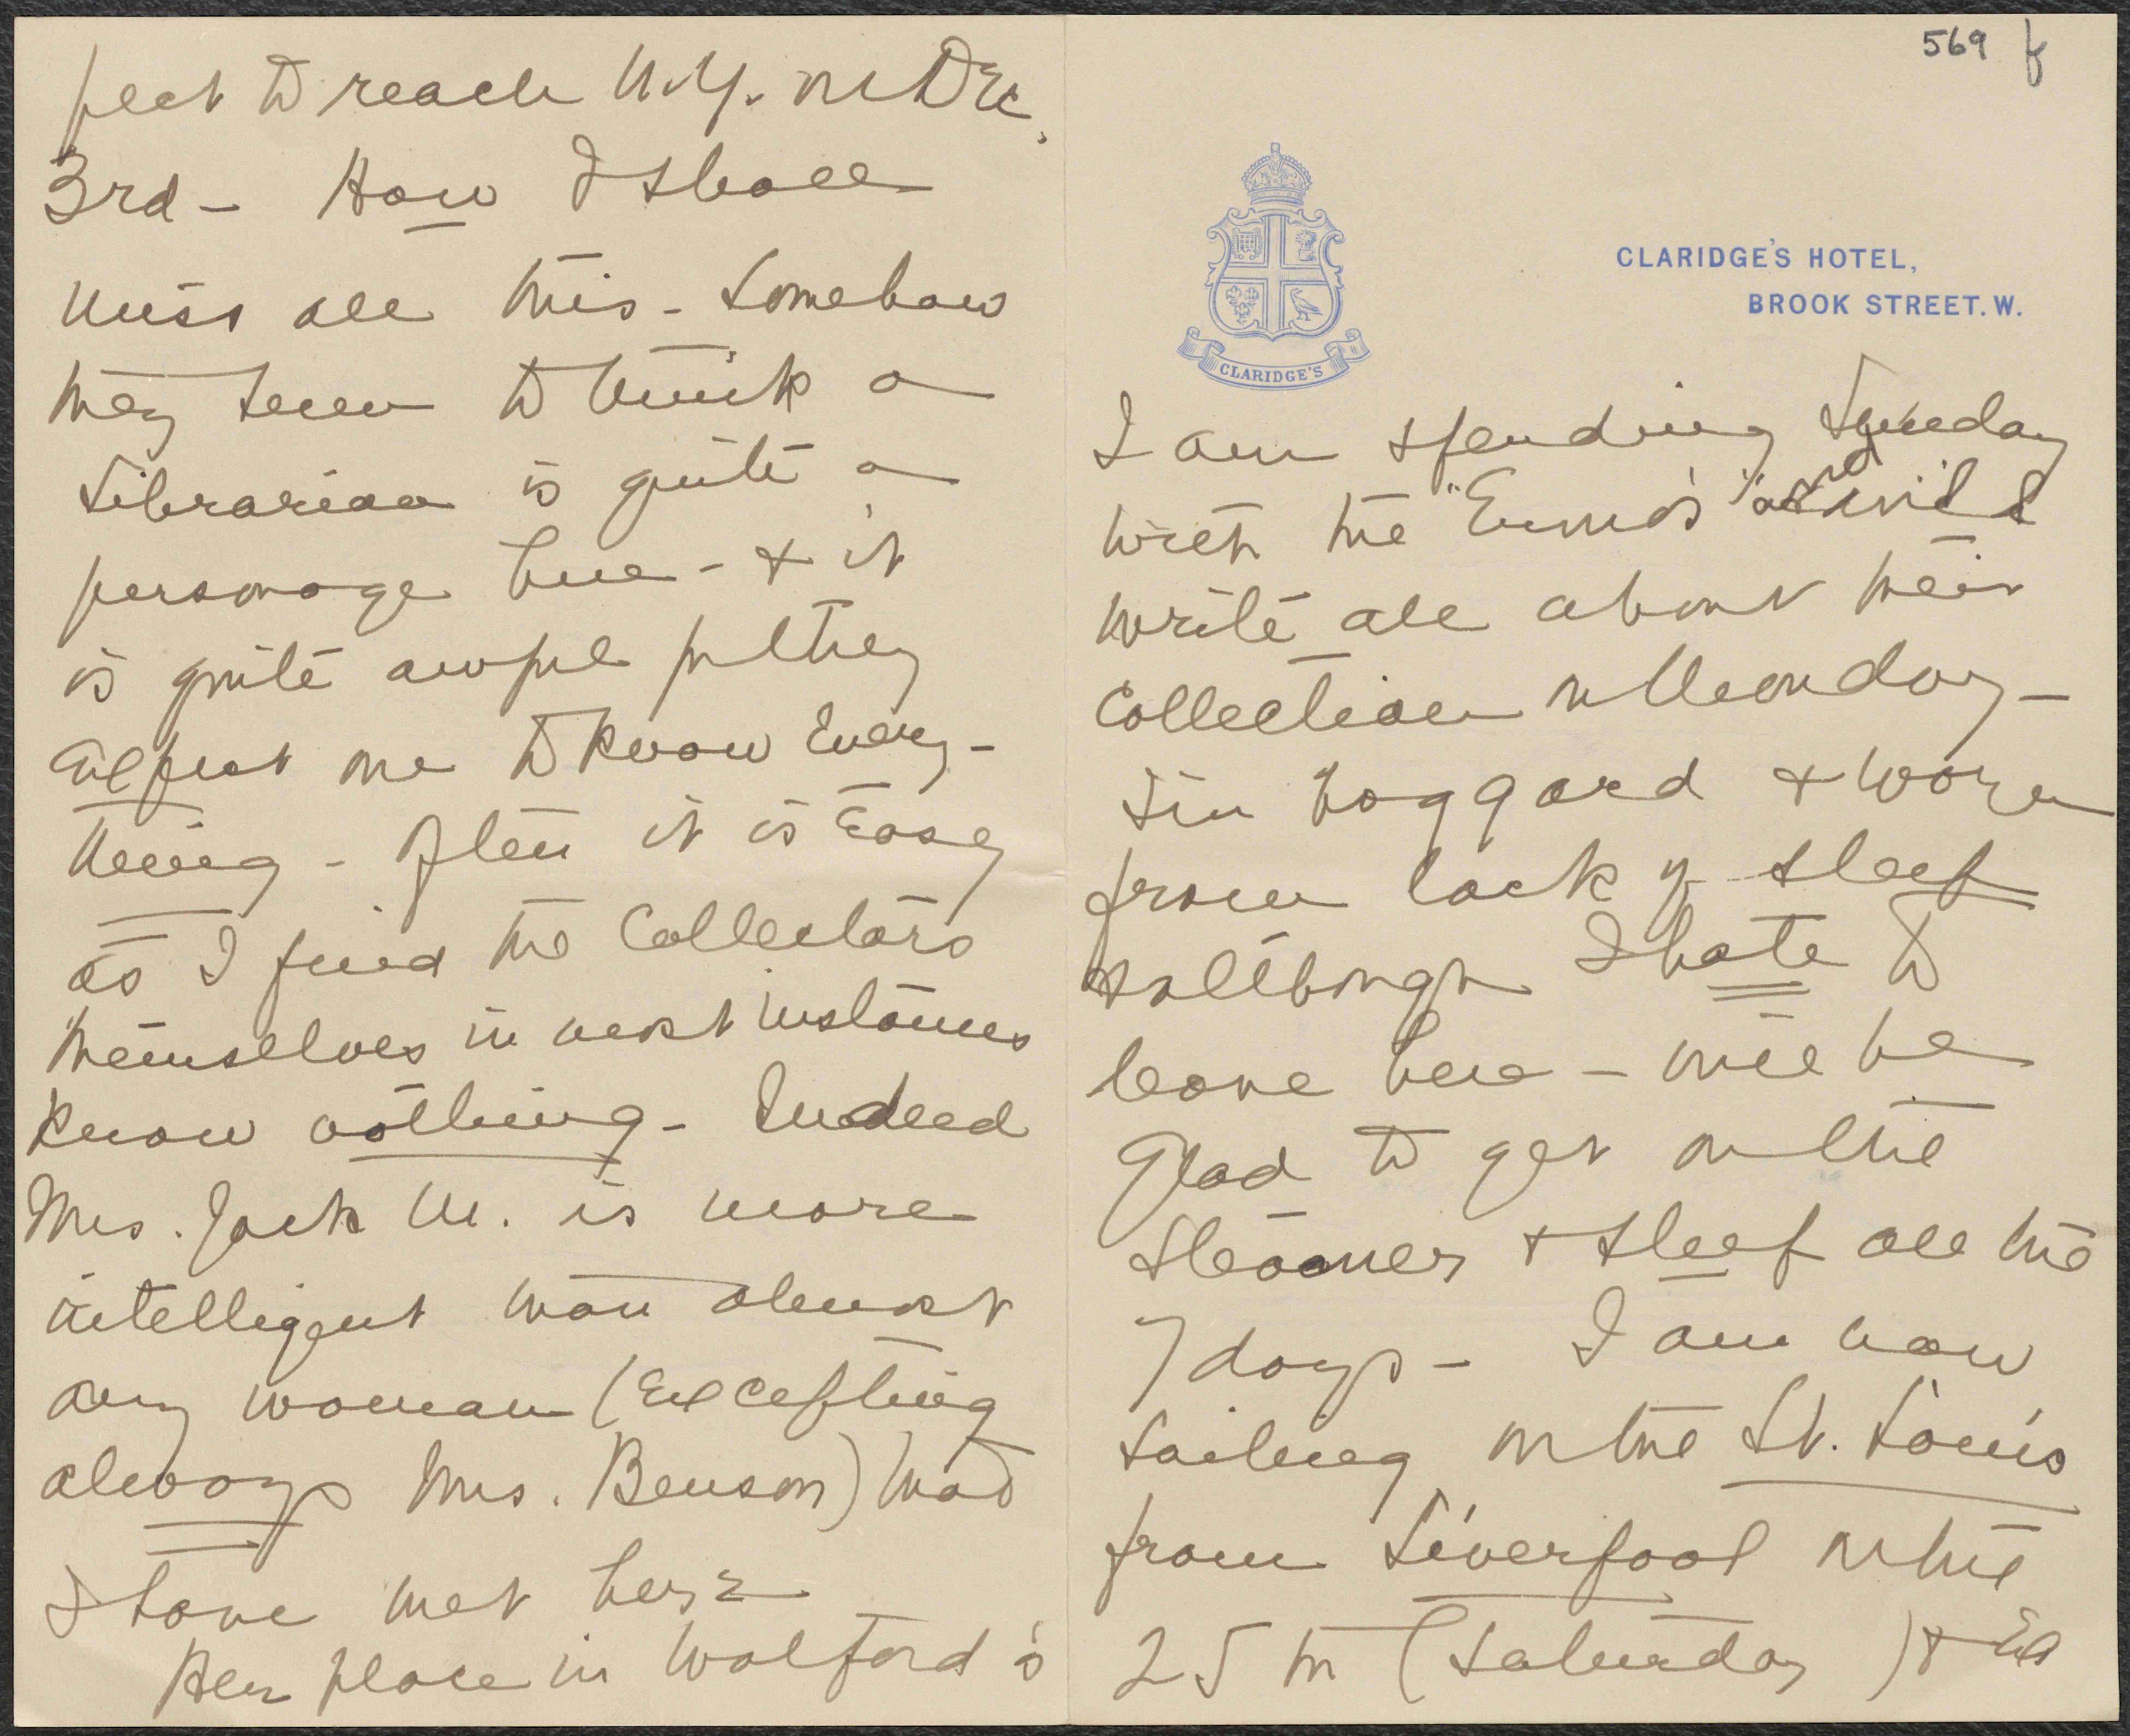I am spending Sunday with the Evans’ and will write all about their collection on Monday –
I’m haggard and worn from lack of sleep although I [double underlined: hate] to leave here – will be glad to get on the steamer & sleep all the 7 days – I am now sailing on the St. Louis from Liverpool on the 25th (Saturday) & expect
to reach N.Y. on Dec. 3rd – How I shall miss all this – Somehow they seem to think a Librarian is quite a personage here – & it is quite awful for they expect me to know everything – Often it is easy as I find the collectors themselves in most instances know nothing – Indeed Mrs. Jack M. is more intelligent than almost any woman (excepting [double underlined: always] Mrs. Benson) that I have met here.
Her place in Watford is